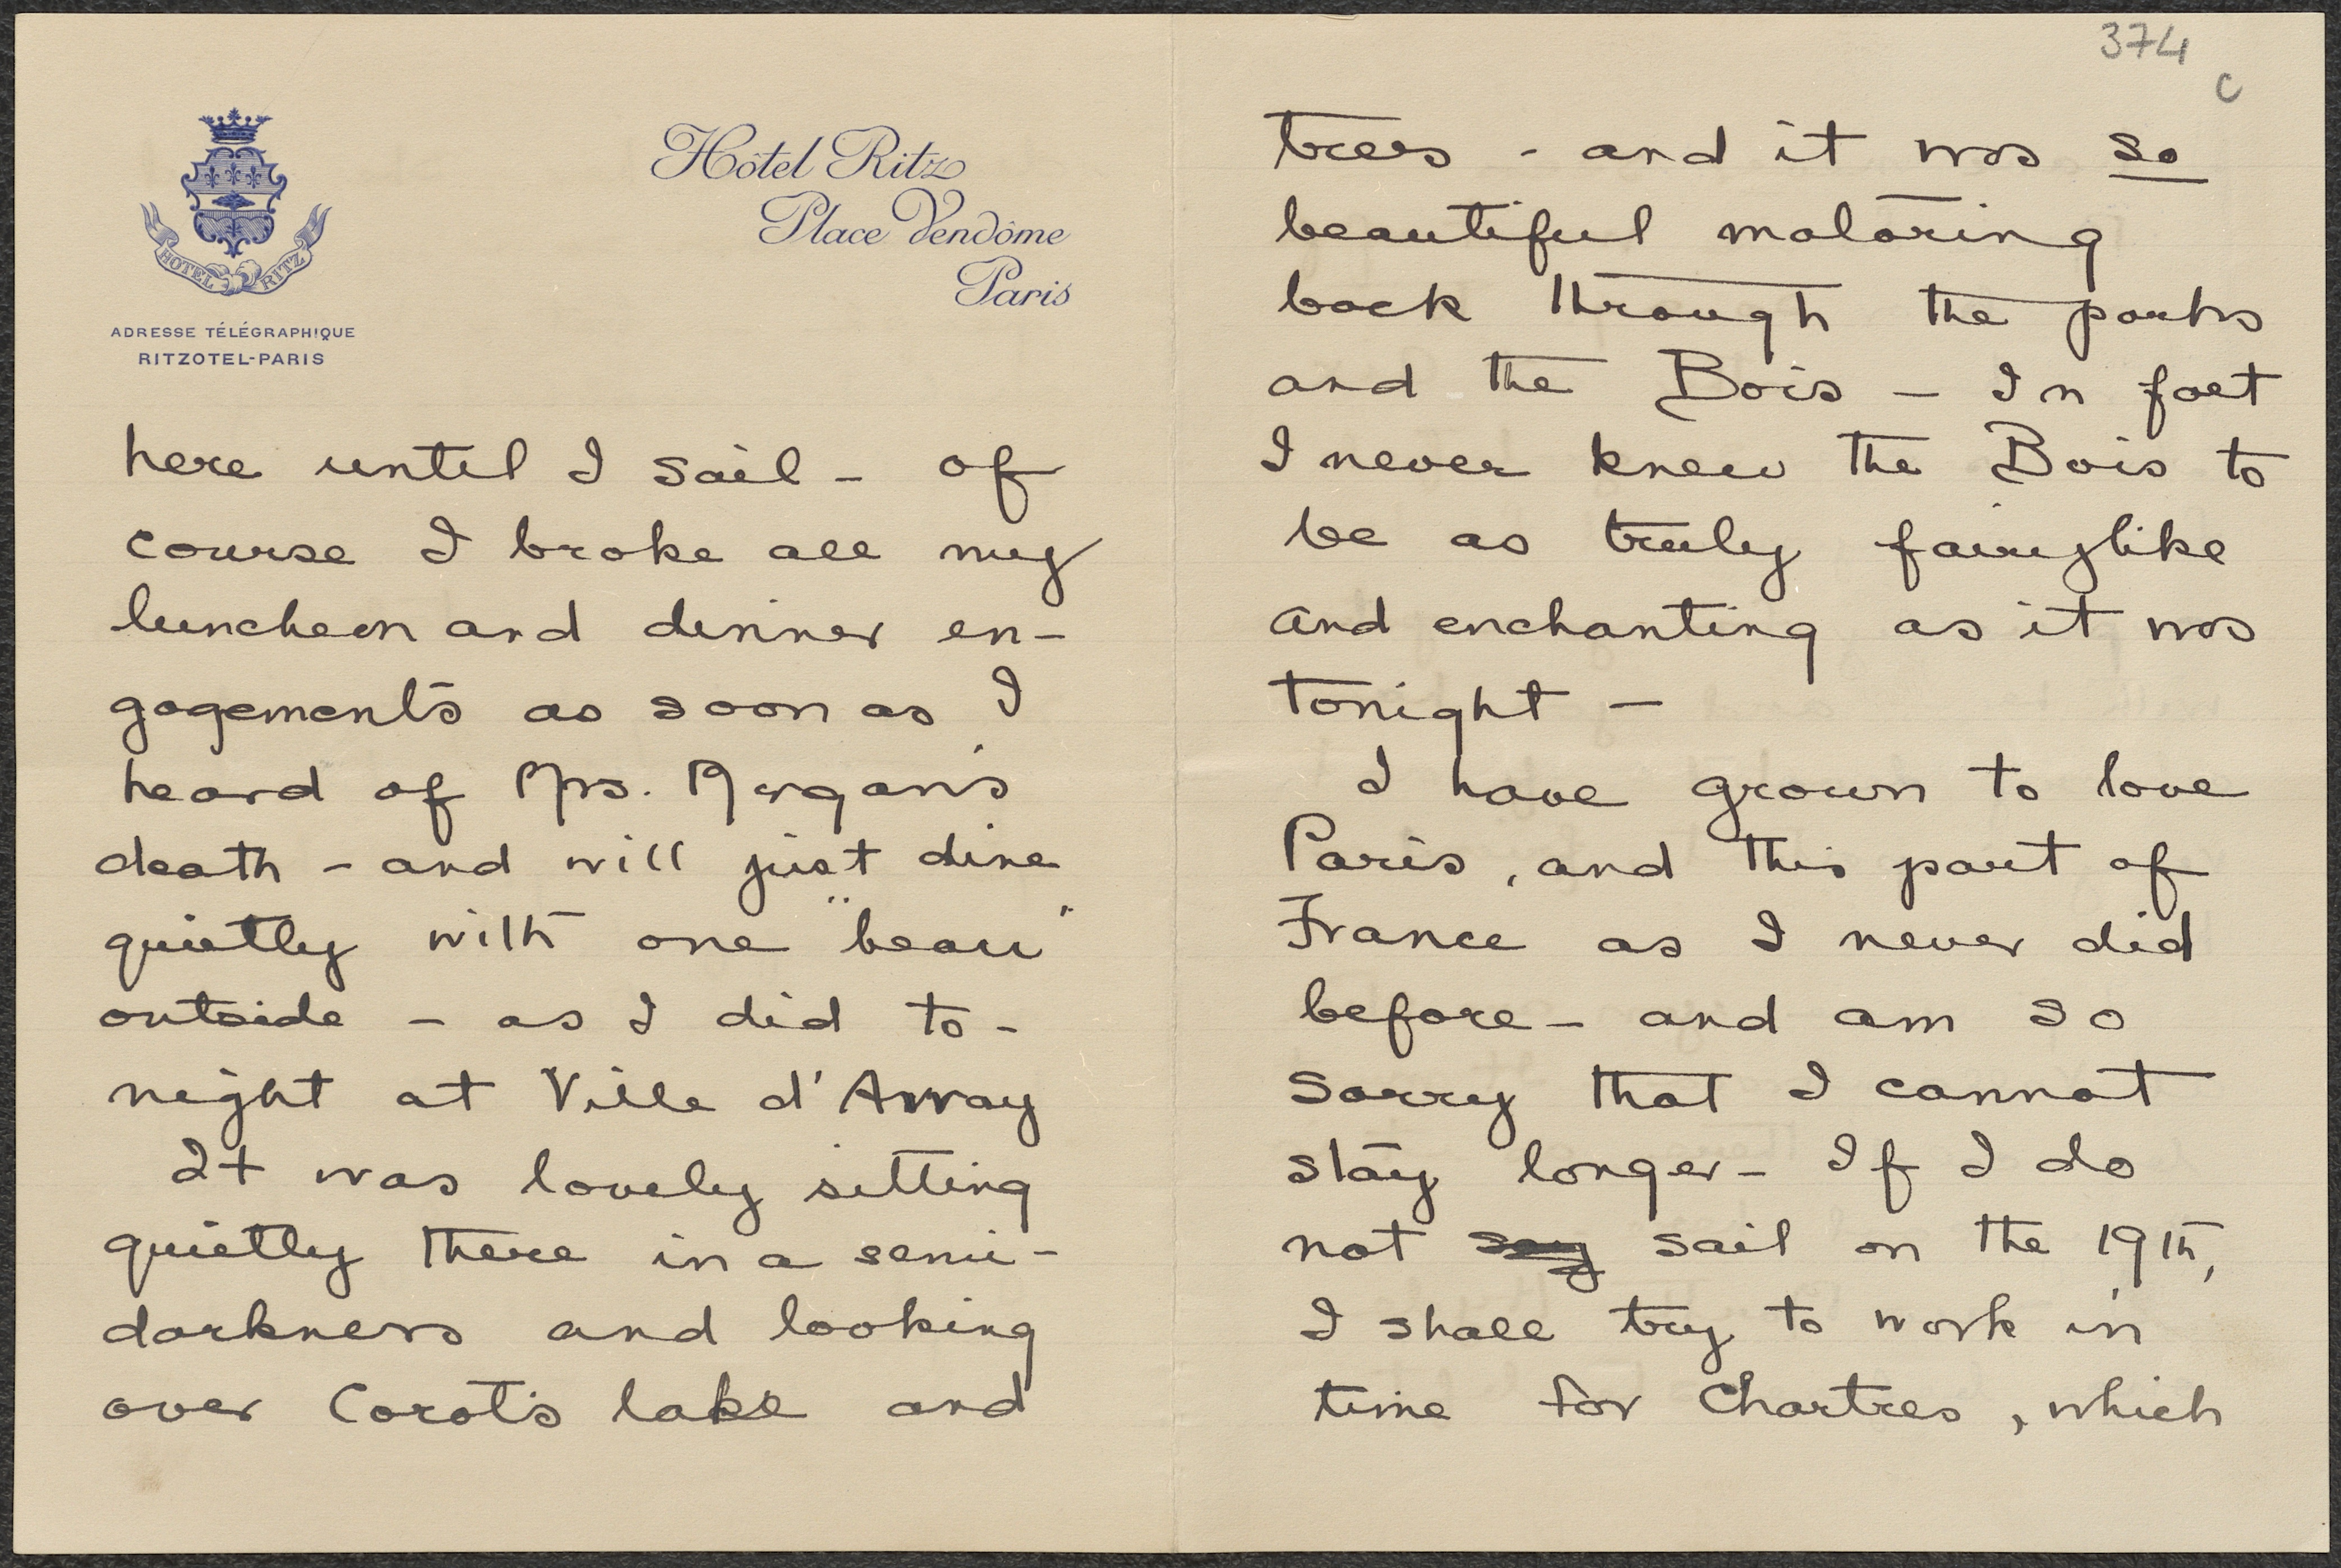here until I sail – of course I broke all my luncheon and dinner engagements as soon as I heard of Mrs. Morgan’s death – and will just dine quietly with one “beau” outside – as I did tonight at Ville d’Array
It was lovely sitting quietly there in a semidarkness and looking over Corot’s lake and
trees – and it was so beautiful motoring back through the parks and the Bois – In fact I never know the Bois to be as truly fairylike and enchanting as it was tonight –
I have grown to love Paris, and this part of France as I never did before – and am so sorry that I cannot stay longer – if I do not say sail on the 19th, I shall try to work in time for Chartres, which